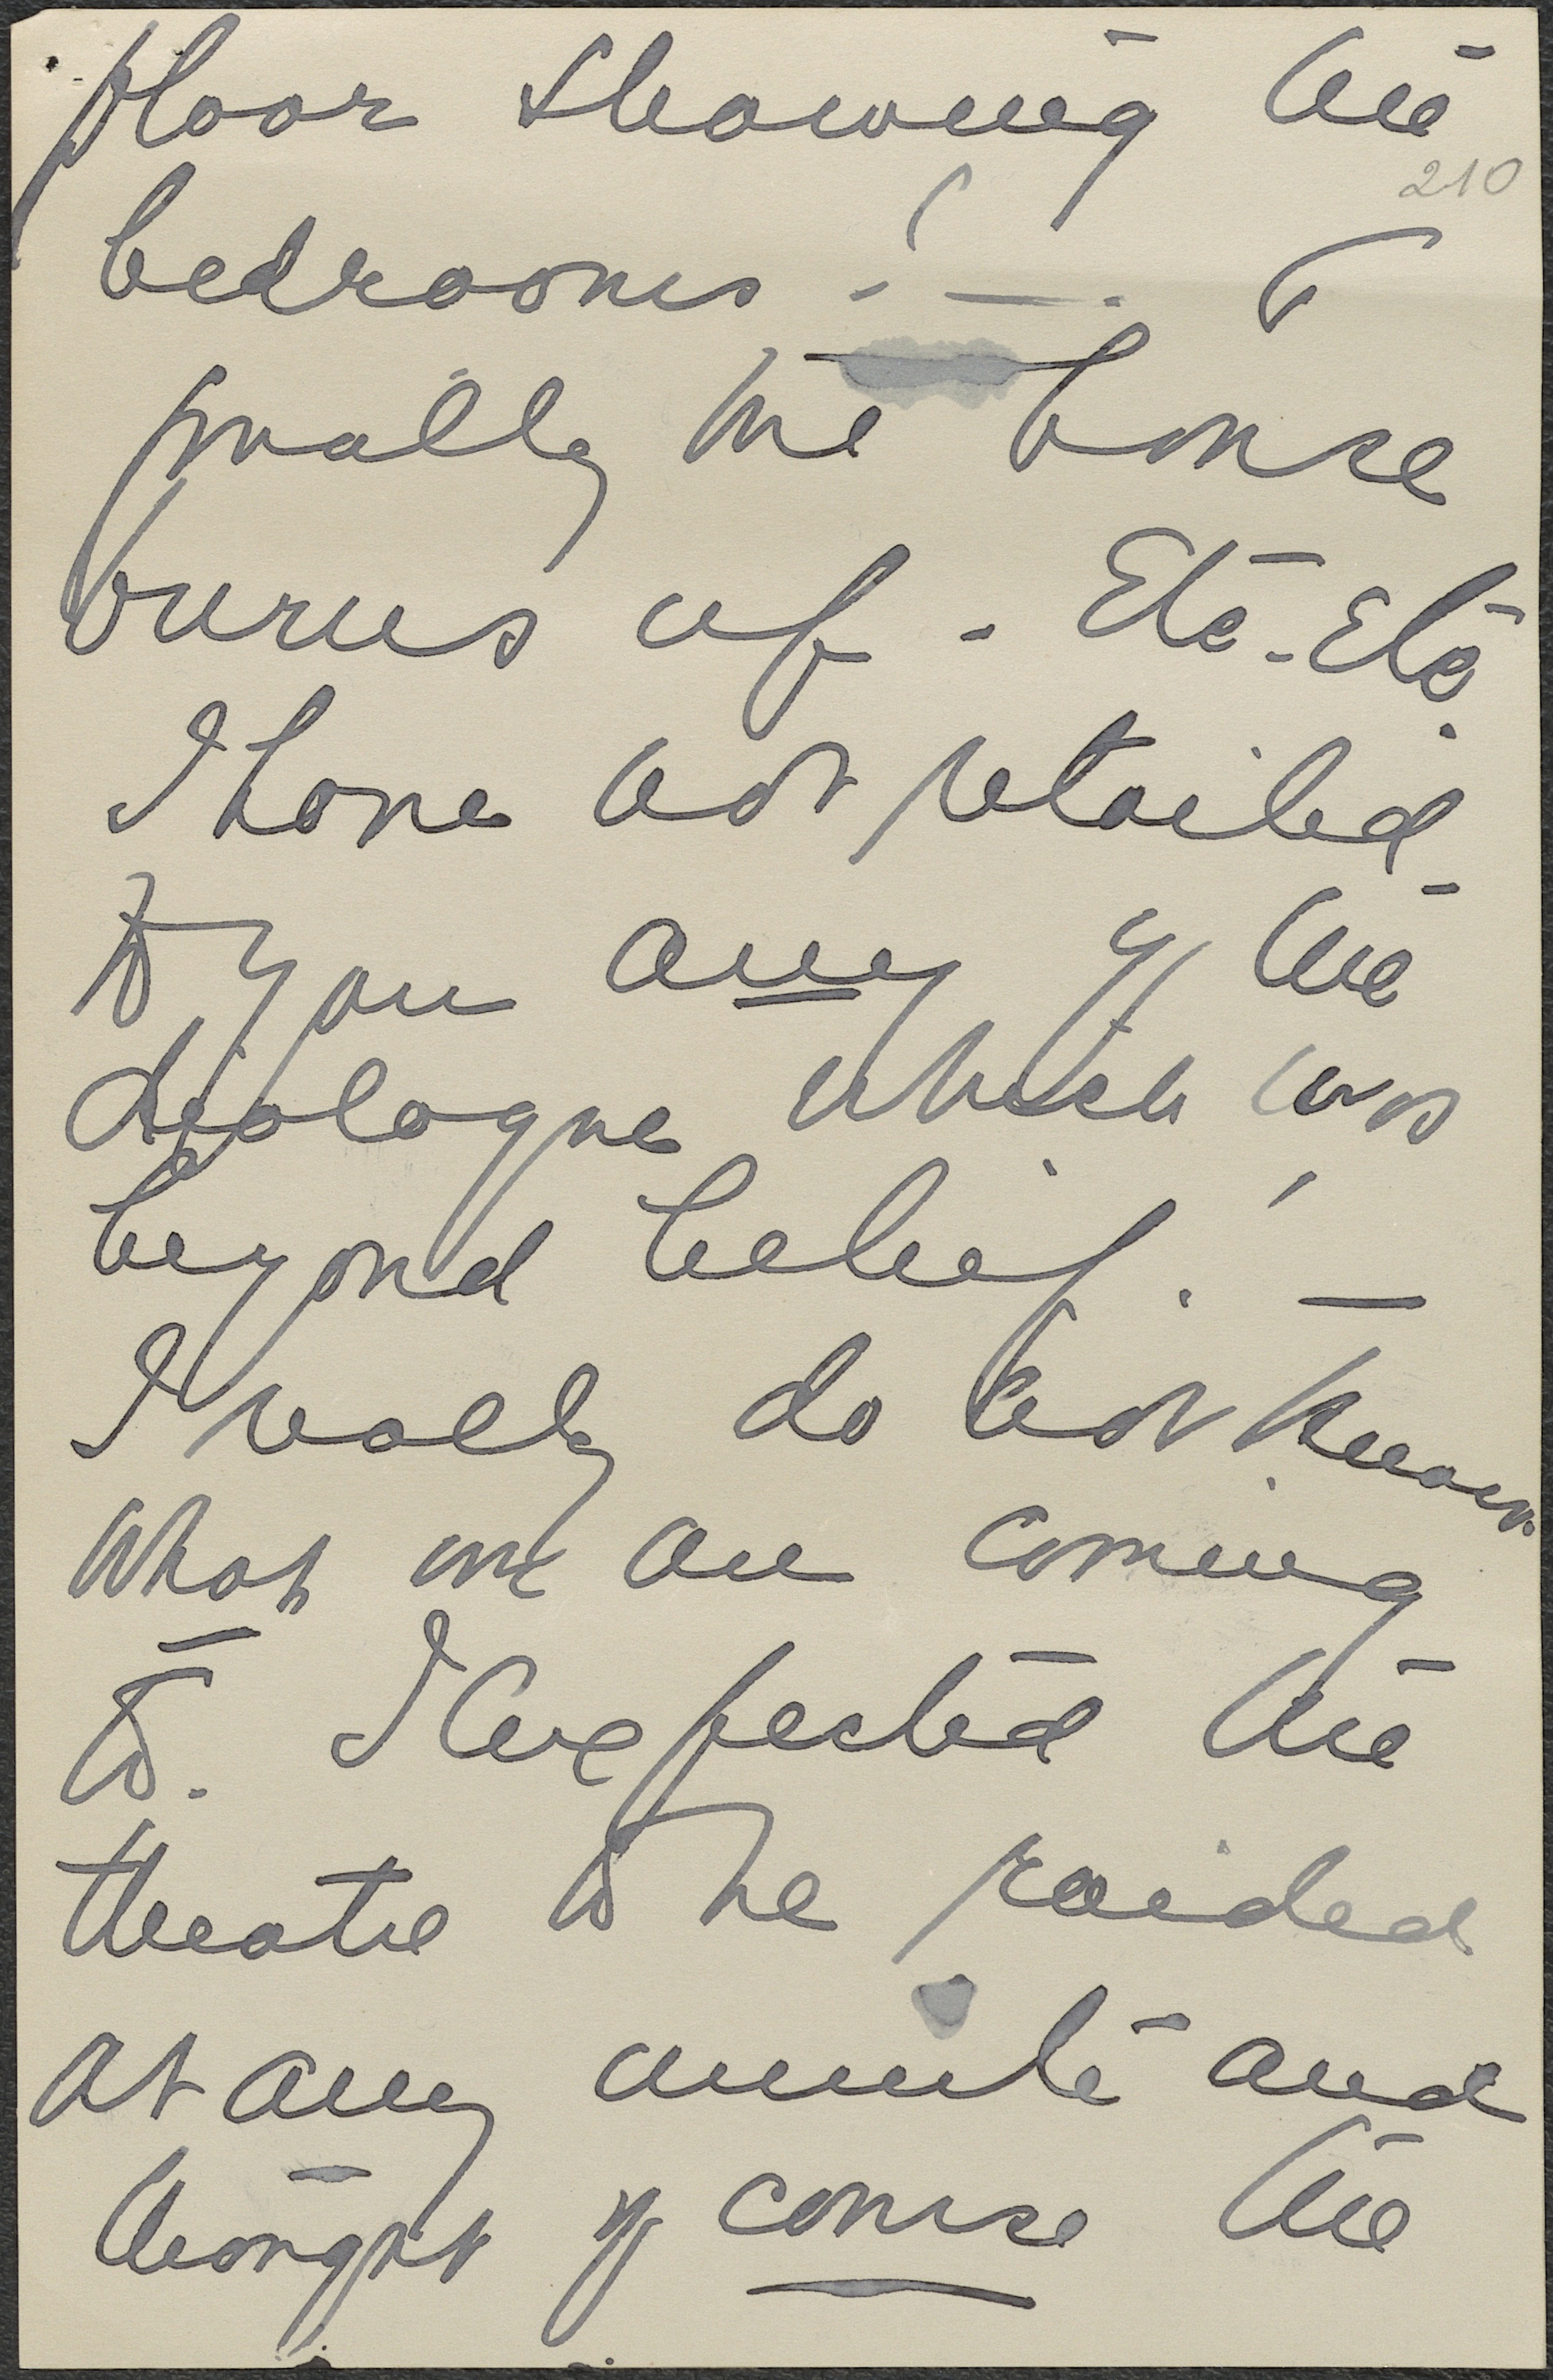floor showing the bedrooms! – & finally the house burns up – etc. etc. I have not retailed to you any of the dialogue which was beyond belief! – I really do not know what we are coming to. I expected the theatre to be raided at any minute and thought of course the